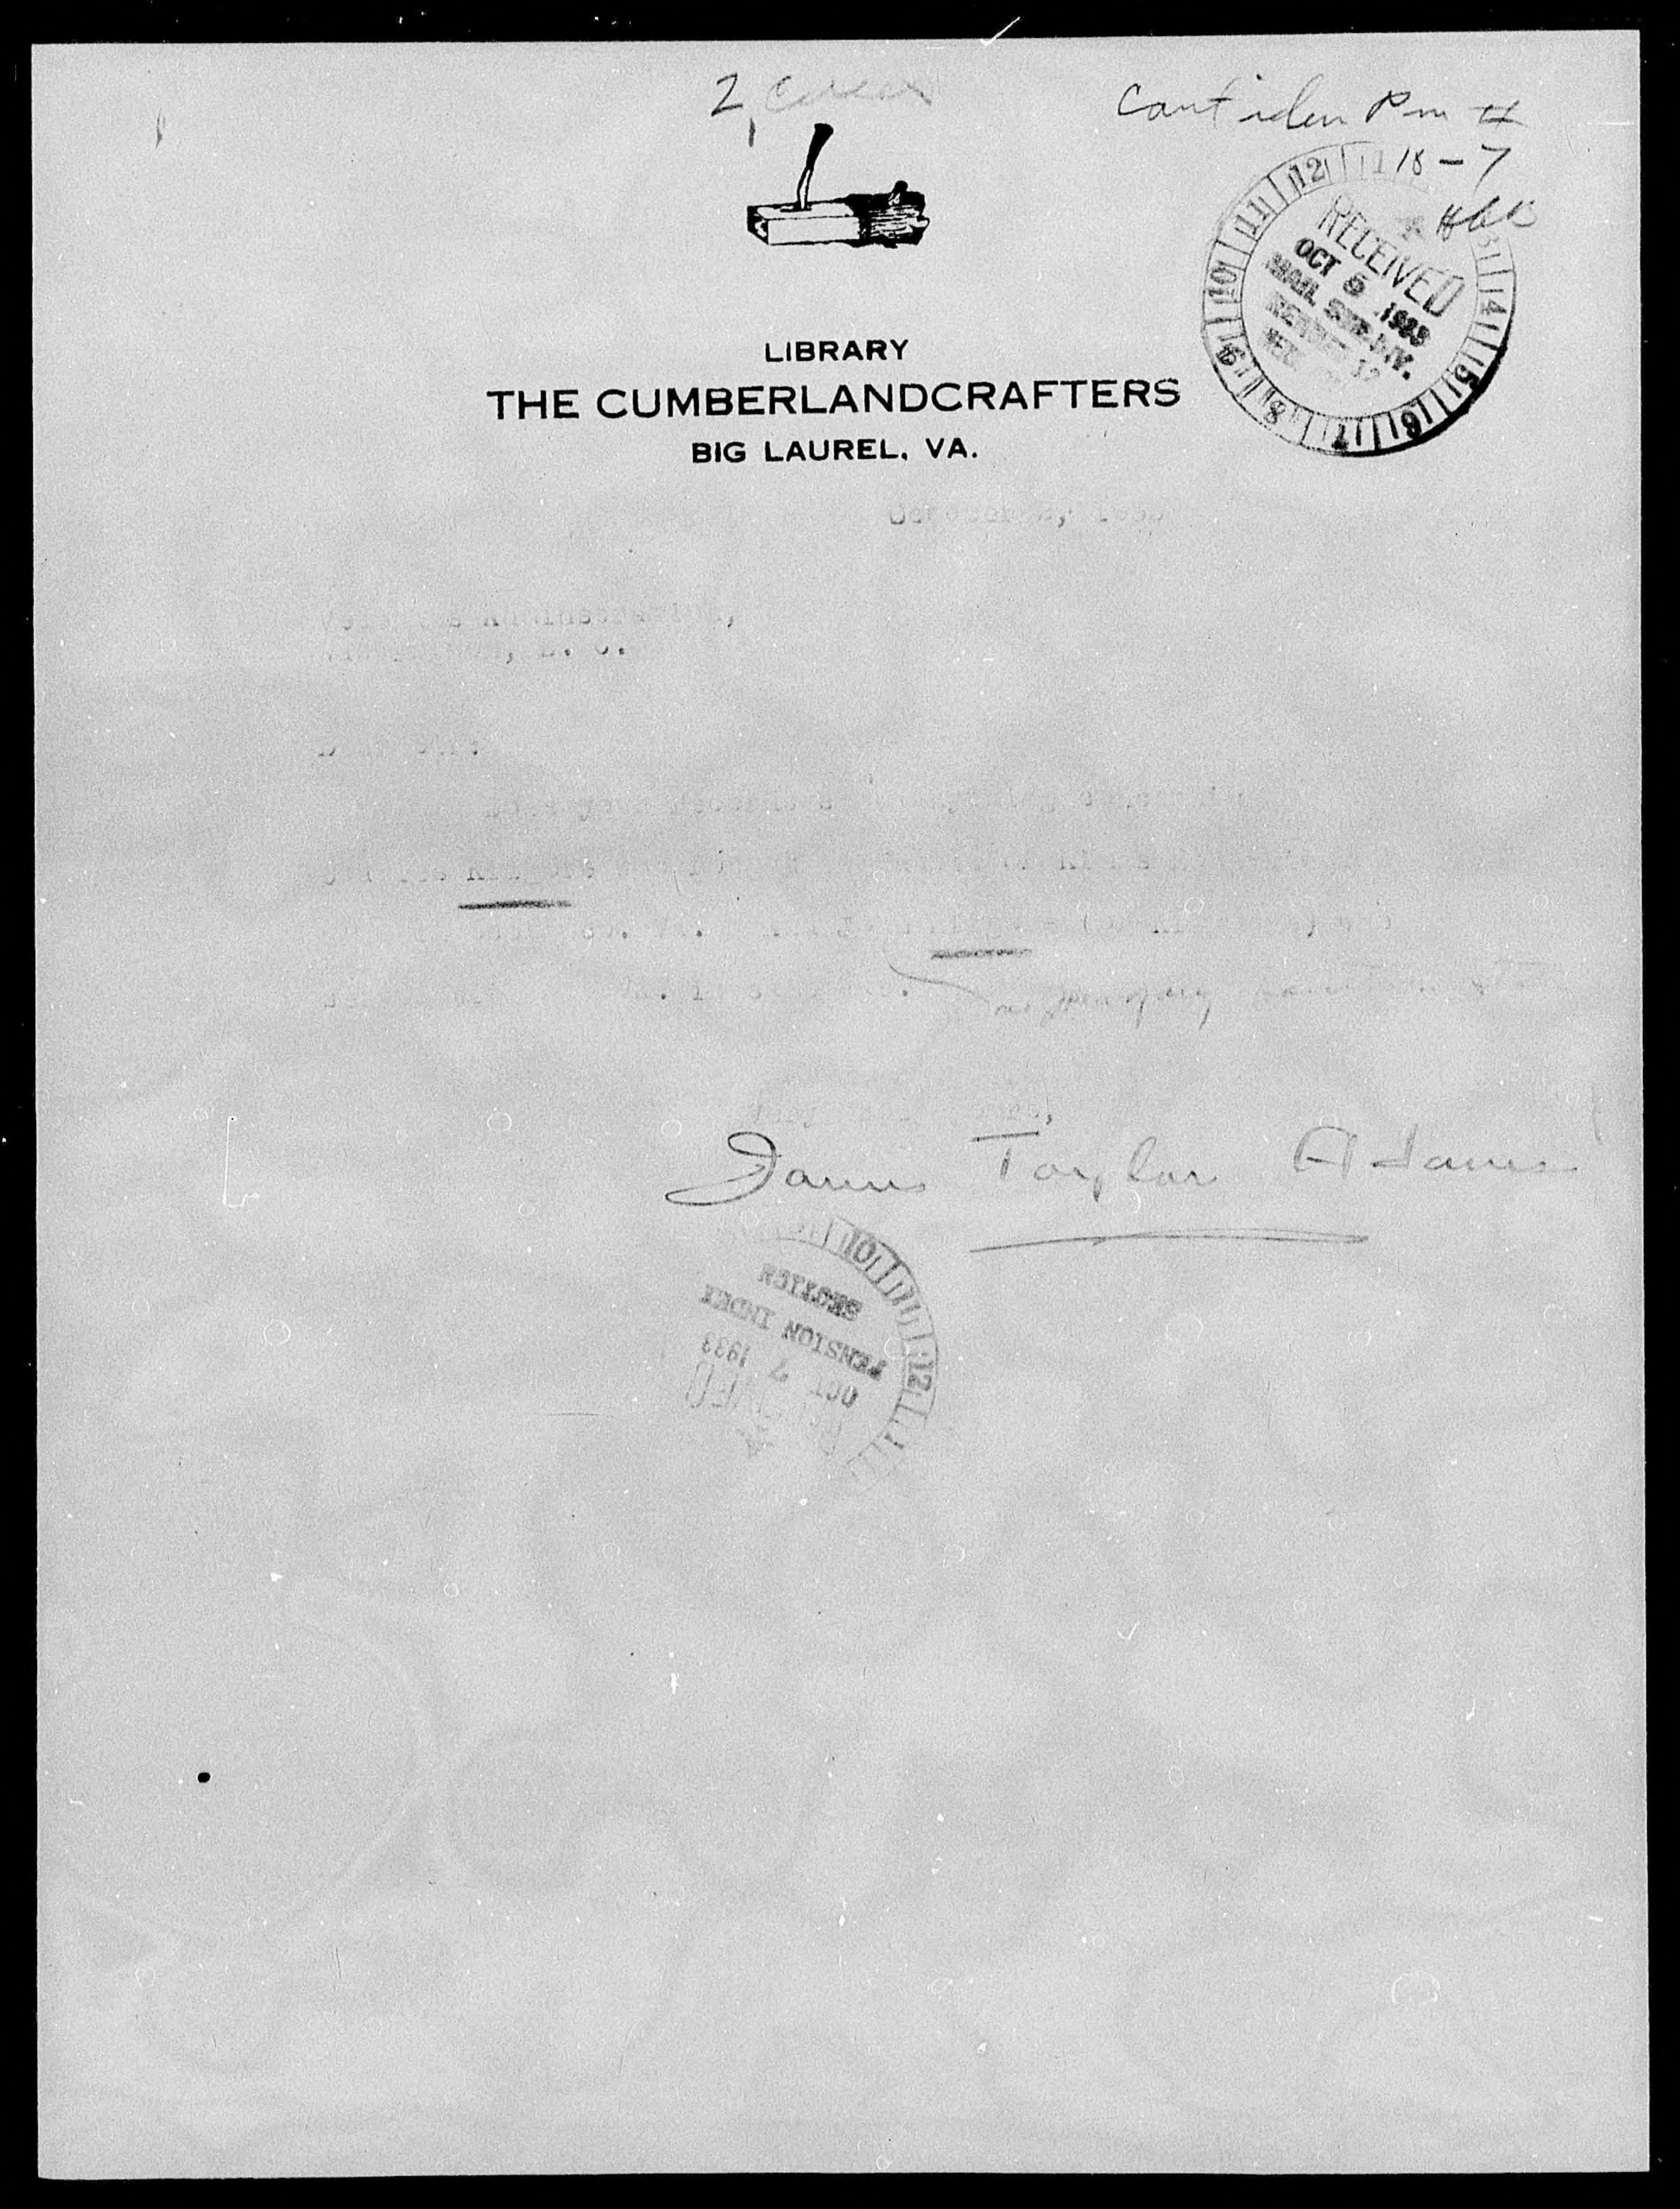2, carex
cant iden Pen # 18-7 HGB
[stamped: RECEIVED OCT 5. 1933 MAIL [ILLEGIBLE] DIV. [ILLEGIBLE]]

LIBRARY
THE CUMBERLANDCRAFTERS
BIG LAUREL, VA

Veterans Administration,
Washington, D. C.
Dear Sir:
[illegible]
James Taylor Adams

[stamped: RECEIVED OCT 7 1933 PENSION INDEX]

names: James Taylor Adams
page: 69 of 115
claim: survivor's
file: S. 699, for Charles Kilgore, Virginia